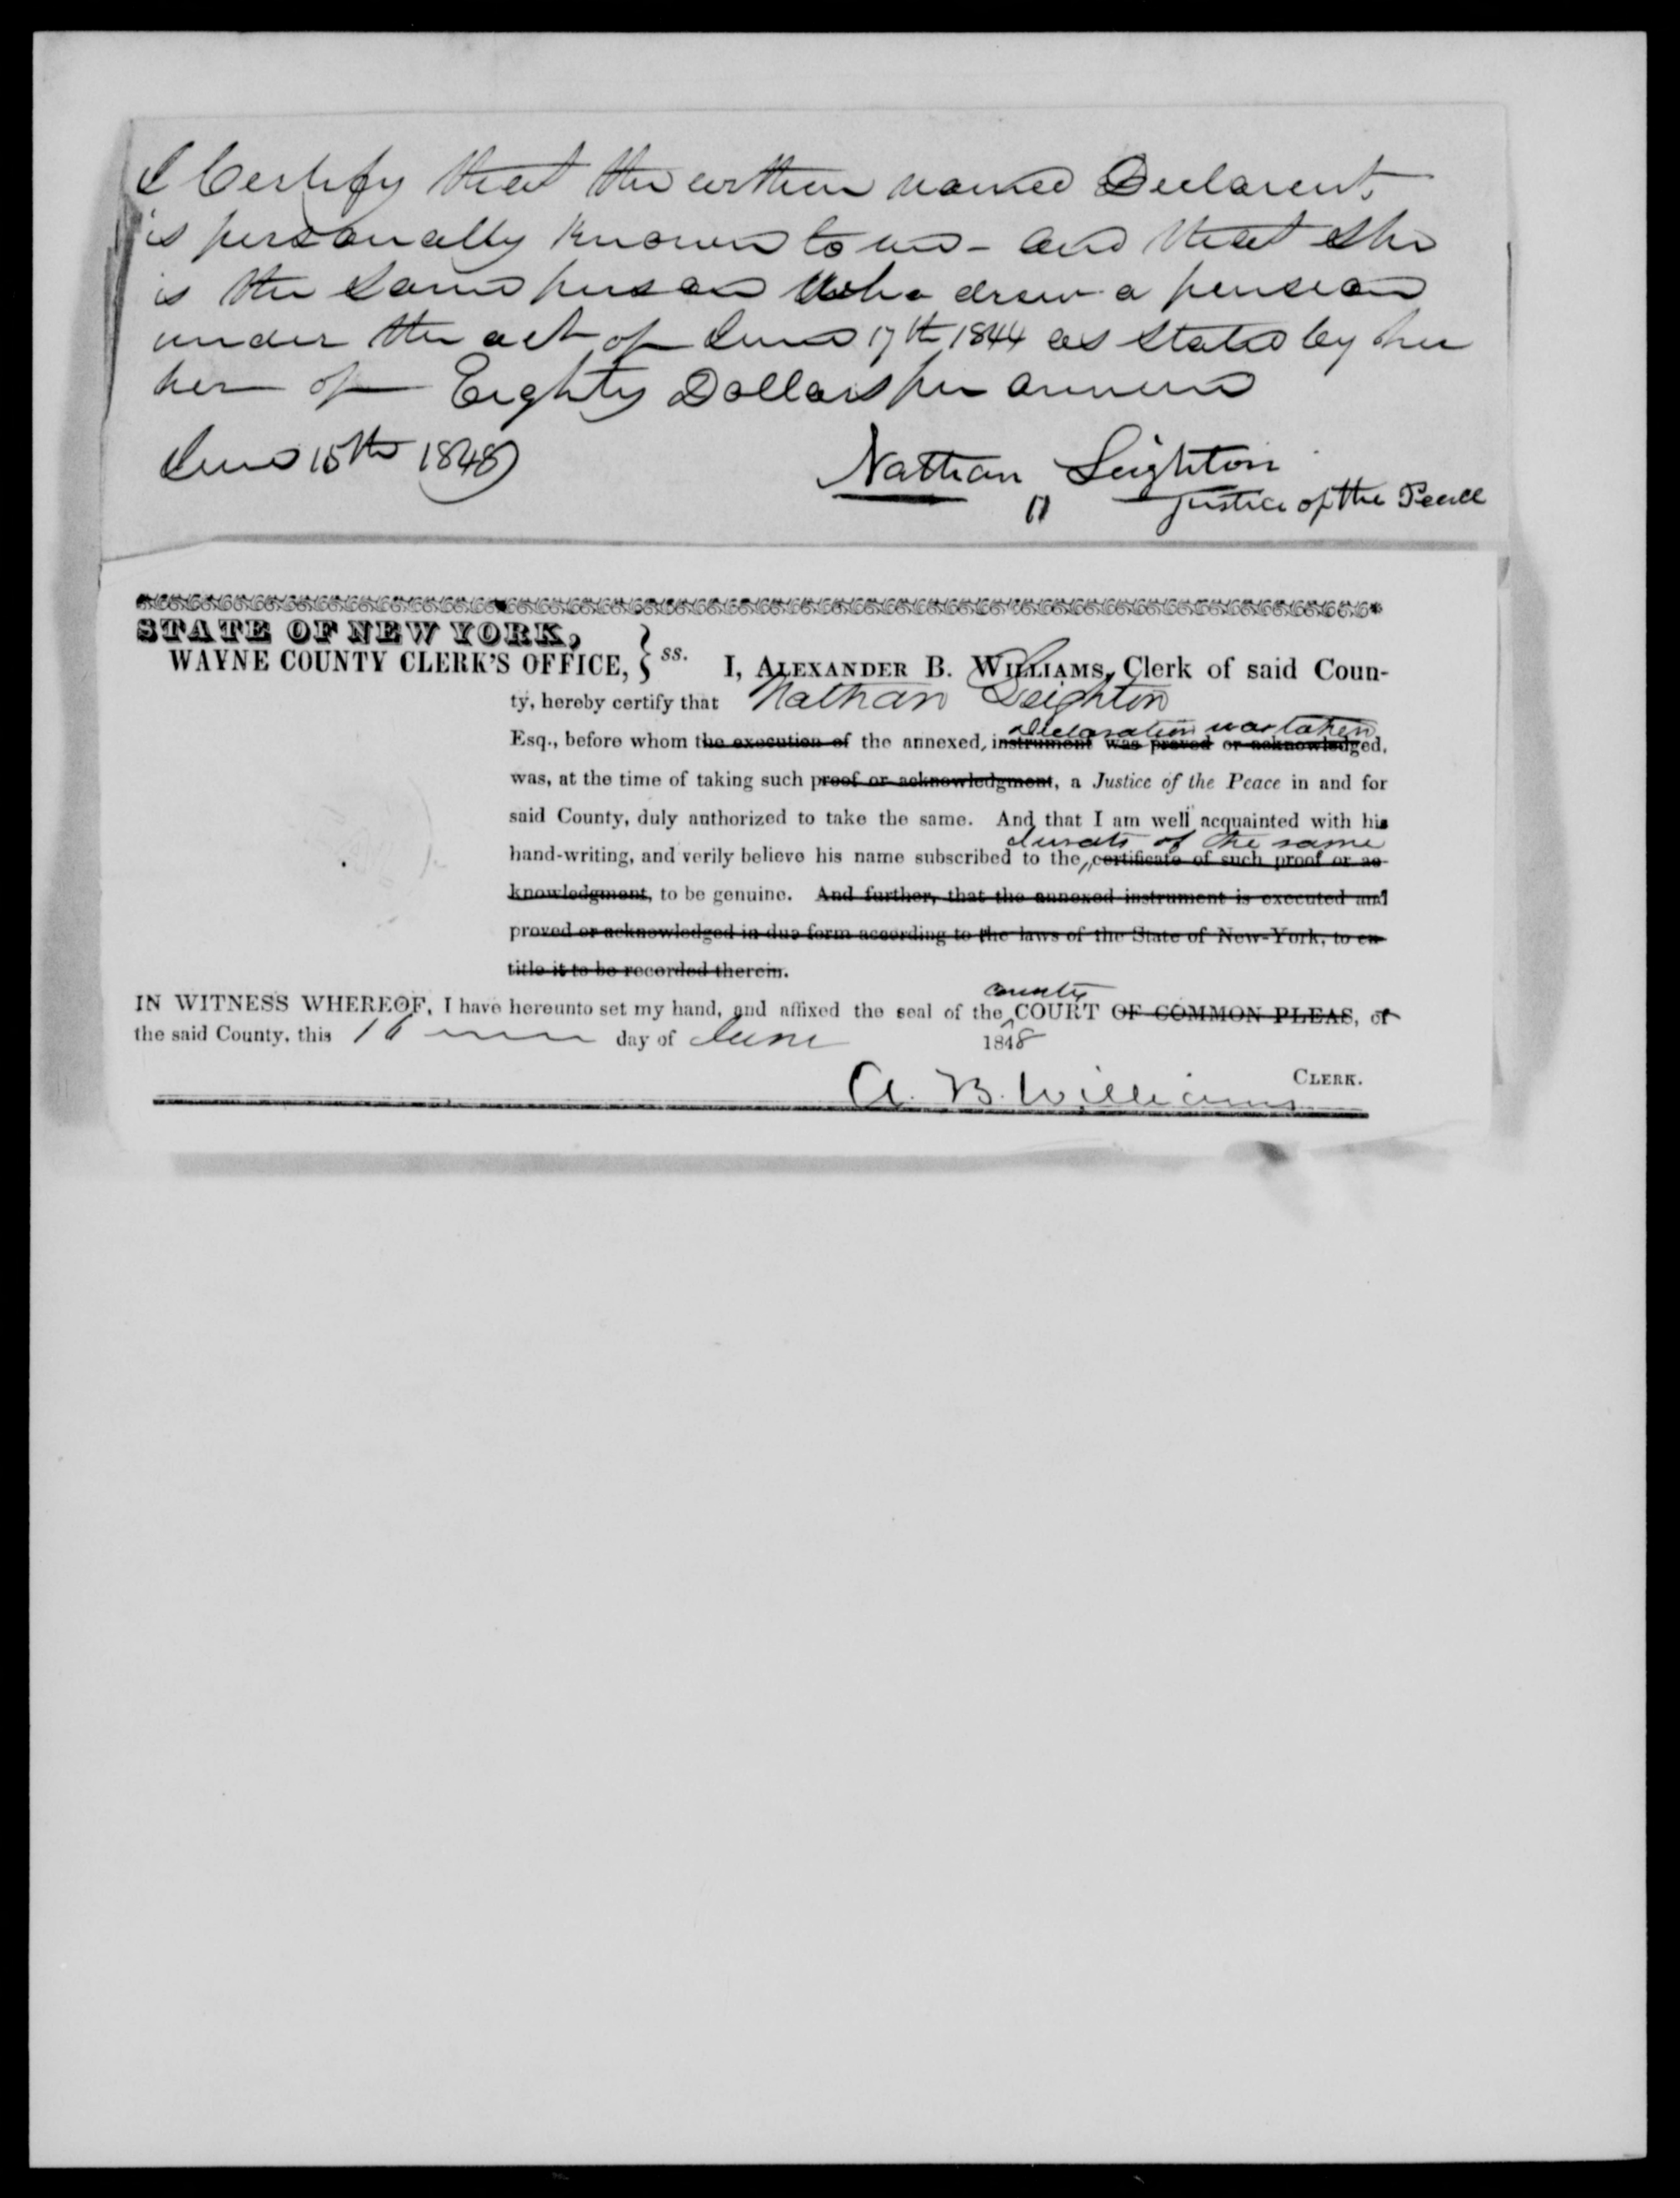I certify that the written named Declarant is personally known to me and that she is the same person who drew a pension under the act of June 17th 1844 as stated by (two words illegible) of Eighty Dollars per annum, June 15th 1848 Nathan Leighton Justice of the Peace

Printed Document
STATE OF NEW YORK,
WAYNE COUNTY CLERK'S OFFICE, ss.
I, Alexander B Williams, Clerk of said County hereby certify that Nathan Leighton Esq., before whom the annexed Declaration was taken was, at the time of taking such, a Justice of the Peace in and for said County, duly authorized to take the same.  And that I am well acquainted with his hand-writing and verily believe his name subscribed to the (illegible) of the same to be genuine. 

IN WITNESS WHEREOF, I have hereunto set my hand, and affixed the seal of the 1848 County Court of the said County, this 16 day of June 
A.B. Williams Clerk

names: Nathan Leighton, A B Williams, Alexander B Williams, Nathan Leighton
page: 33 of 66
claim: widow's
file: W. 19588, William Walling, New Jersey